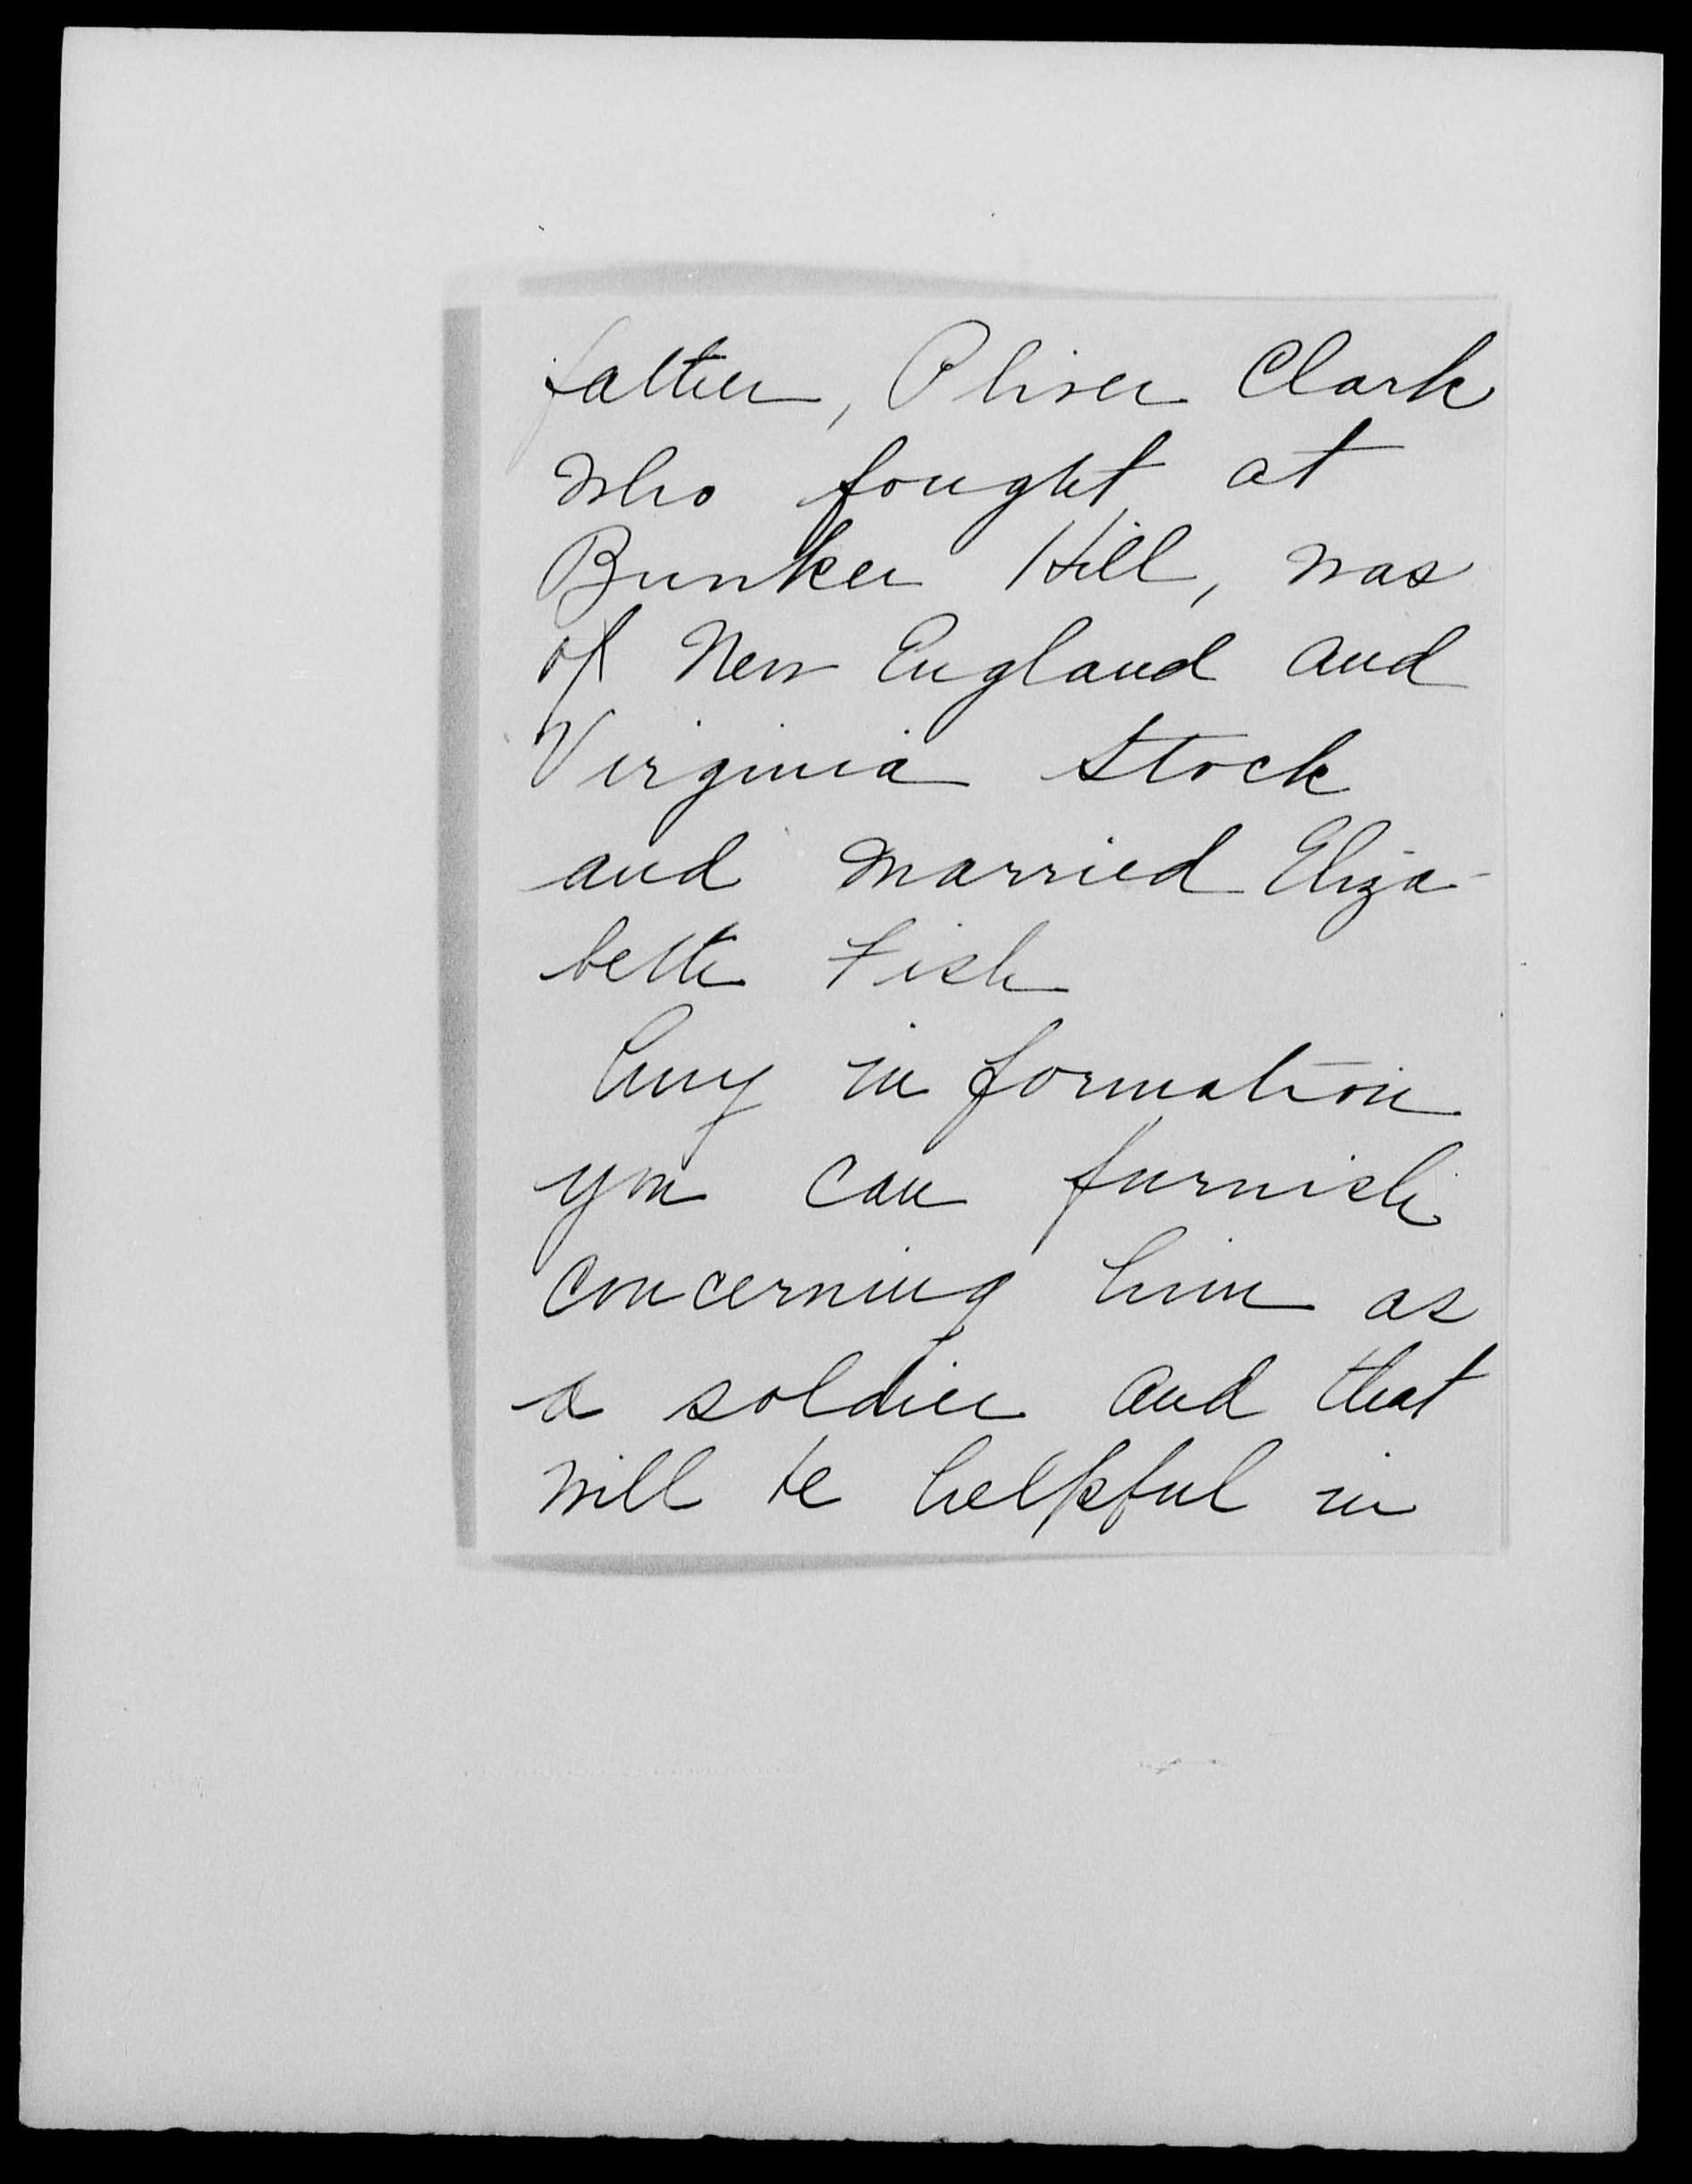[handwritten]
father, Oliver Clark who fought at Bunker Hill, was of New England and Virginia Stock and married Elizabeth Fish
Any information you can furnish concerning him as a soldier and that will be helpful in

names: Oliver Clark, Elizabeth Fish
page: 27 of 51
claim: widow's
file: W. 23816, Oliver Clark, Conn.